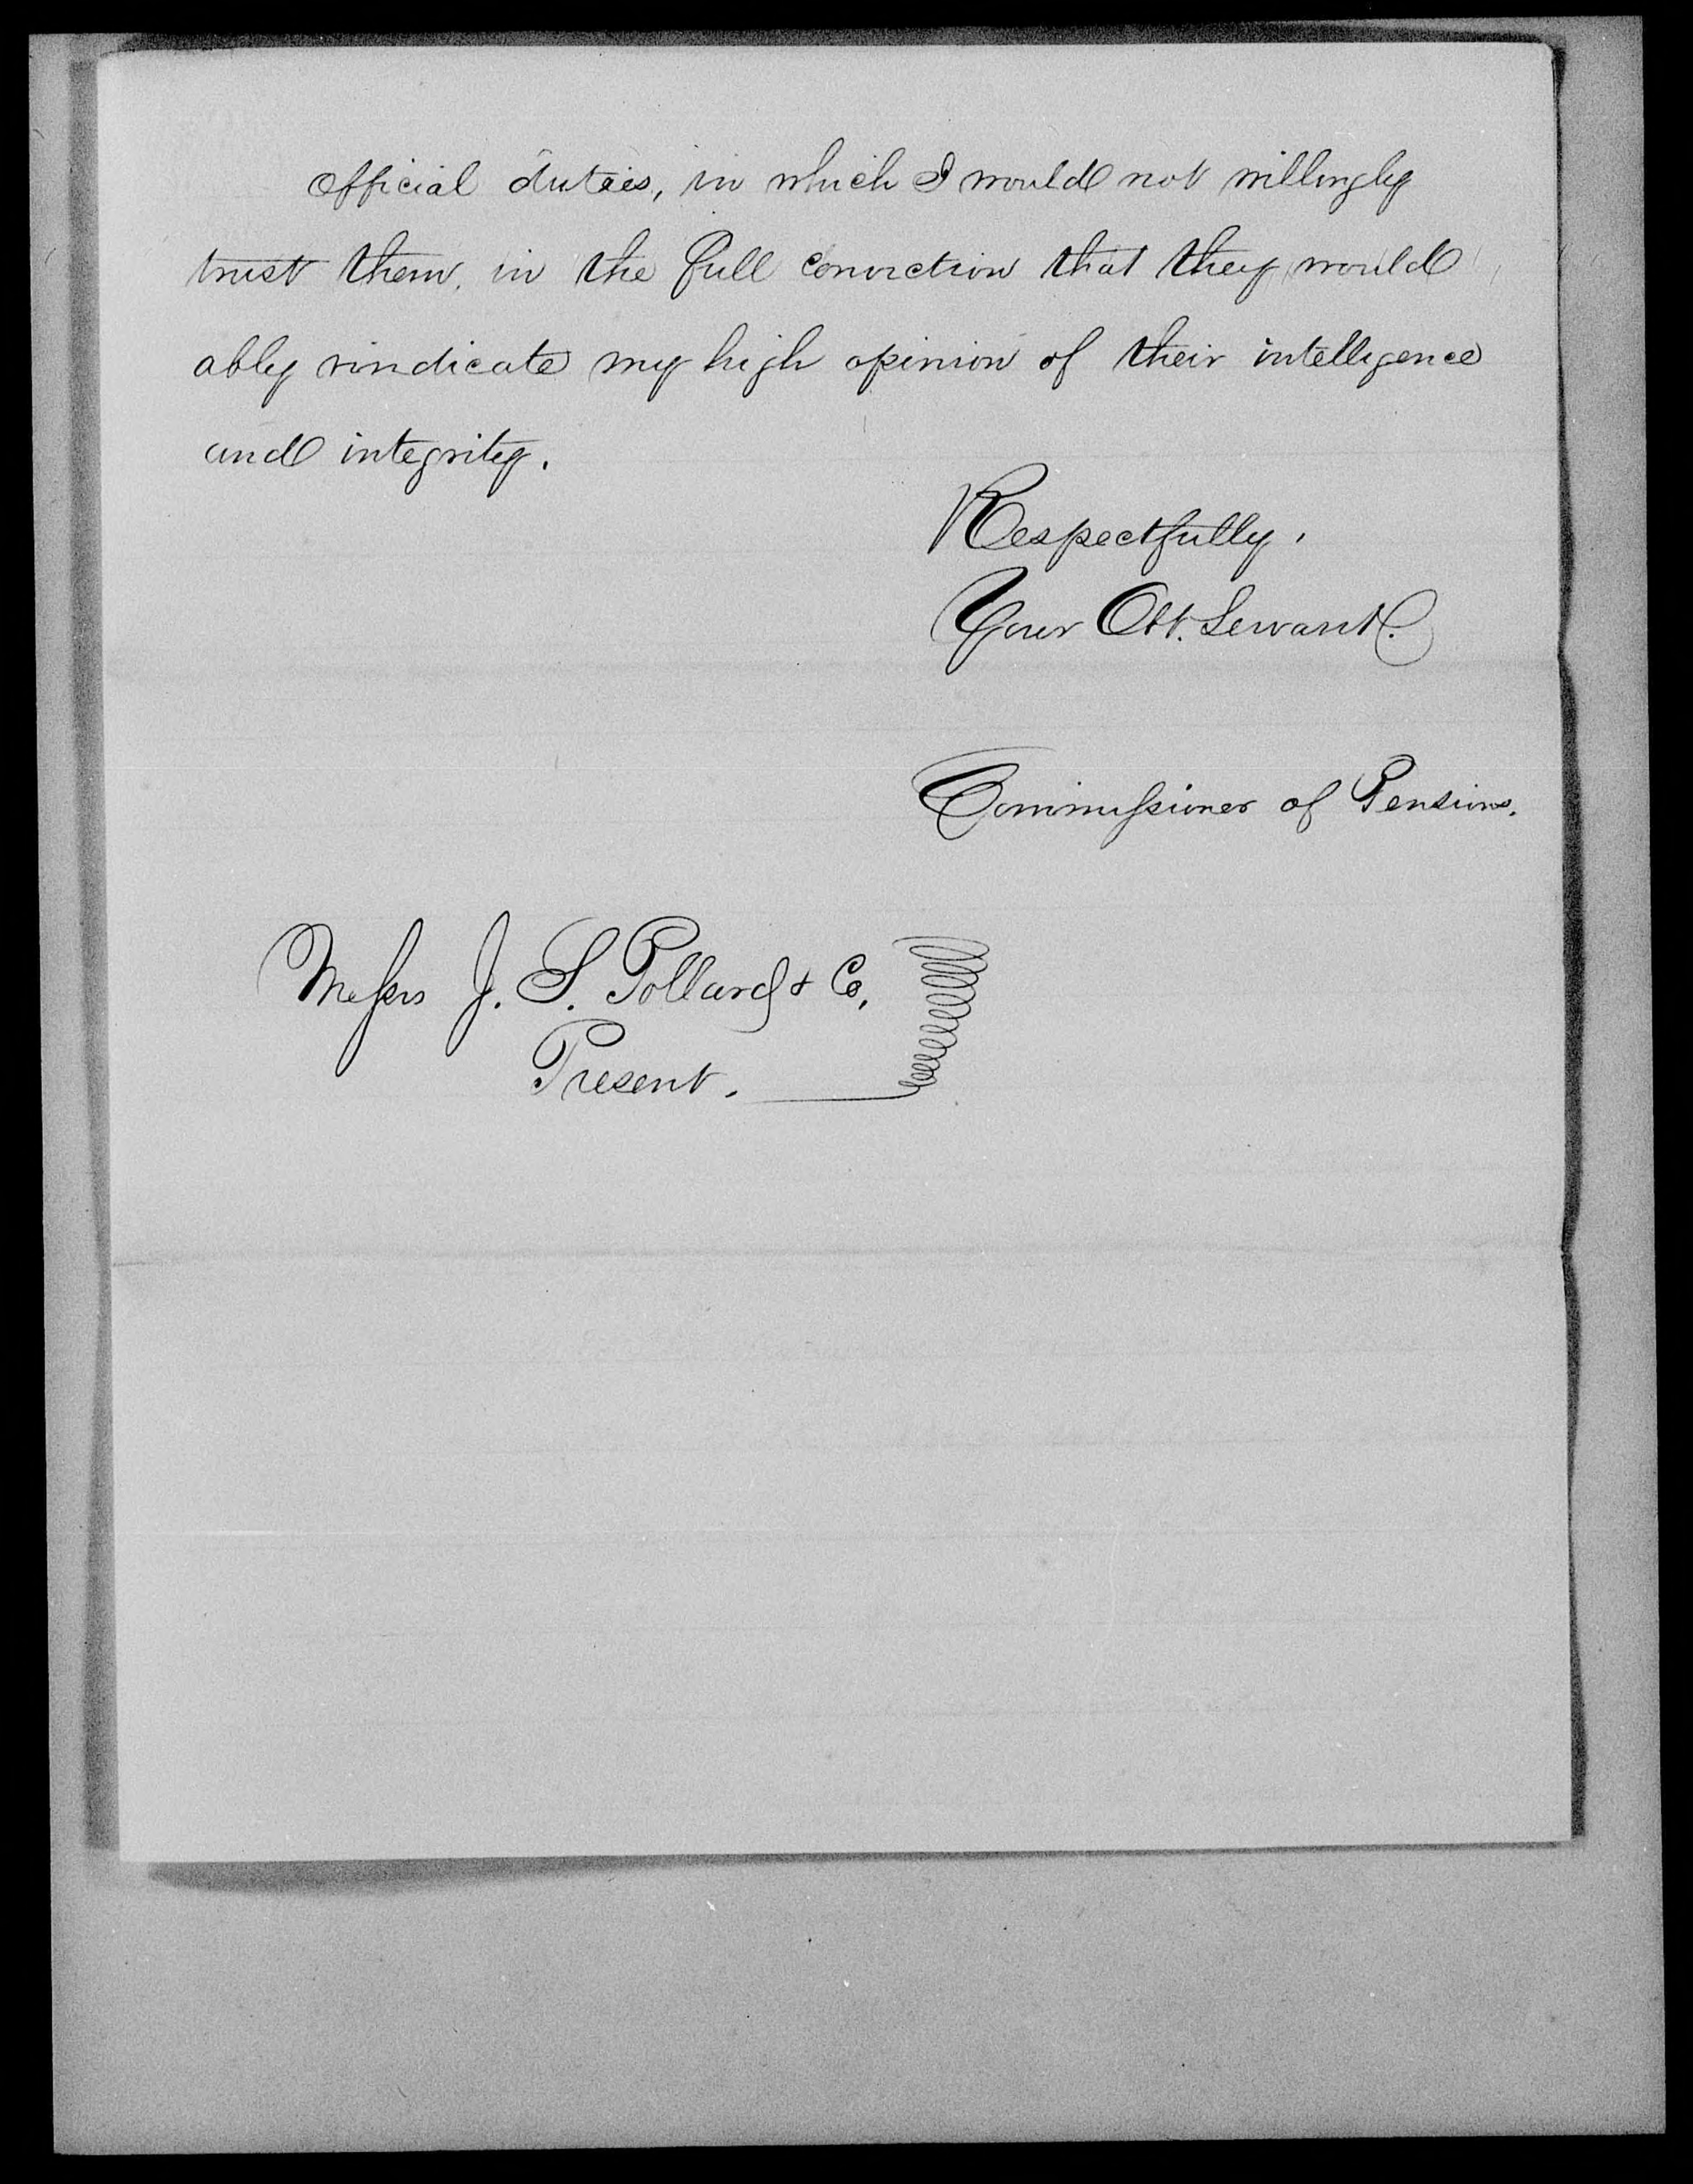... official duties in which I would not willingly trust them in the full conviction that they would ably indicate my high opinion of their intelligence
and integrity.

Respectfully your obe(dient) ser(vant),
Commissioner of Pensions

Messrs. J.S. Pollard & Co., present.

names: J S Pollard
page: 53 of 95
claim: survivor's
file: S 2889, for Levi Mundy, New Jersey